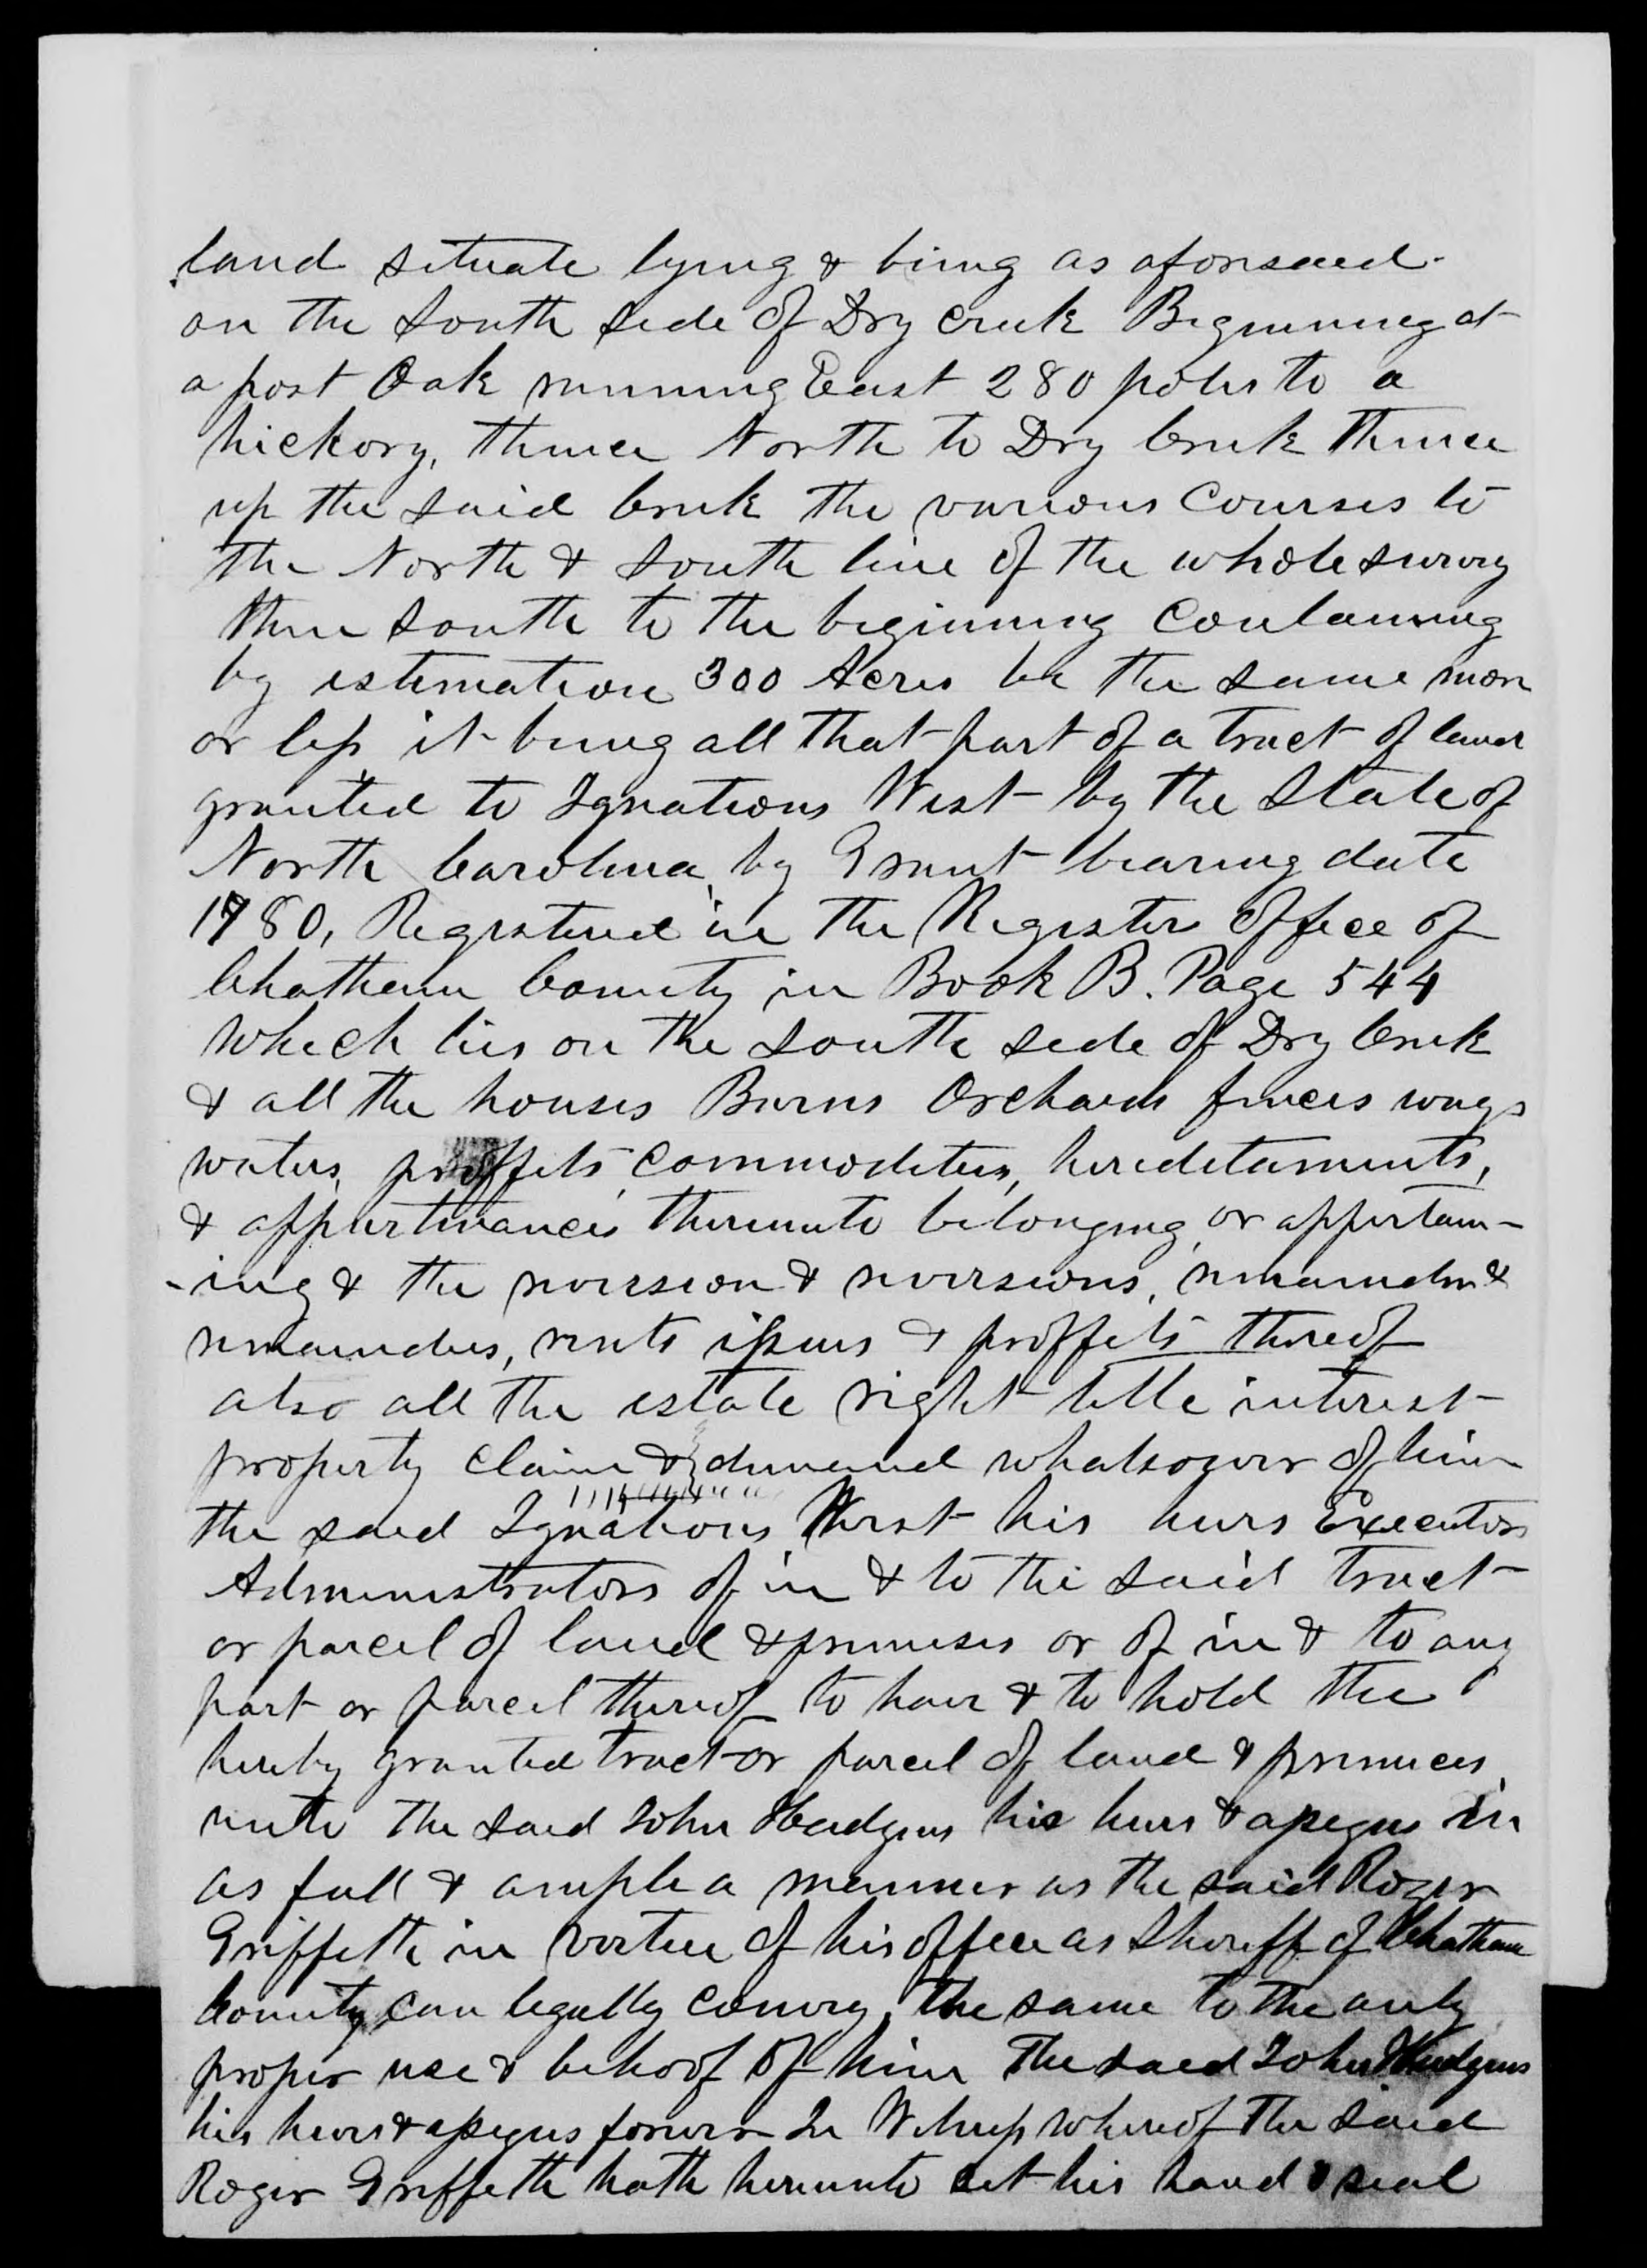land situate lying and being as foresaid, on the south of Dry Creek Beginning at a post Oak running East 280 poles to a hickory, thence North to Dry Creek, thence up the said Creek the various courses to the North & South line of the whole survey then south to the beginning containing by estimation 300 Acres be the same more or less, it being all that part of a tract of land granted to Ignatious West by the State of North Carolina by and bearing date 1780, Registered in the Register Office of Chatham County in Book B Page 544 which lies on the south side of Dry Creek & all the houses barns, Orchards, fences, ways waters, proffits, commodities, herditaments & appurtenances thereunto belonging or appertaining and the provision and reversions, [illegible] &
remainders, rents issues & proffits thereof
also all the estate right title interest
property claim & demand whatsoever of him
the said Ignatious that his heirs Executors
Administrators of in & to the said trust
or parcel of land & premises or of in & to any
part or parcel thereof to have & to hold the
hereby granted tract or parcel of land & premices with the said John Hudgens his heirs & assigns in as full & ample a manner as the said Roger Griffith in Virtue of his office as Sheriff of Chatham County can legally convey the same to the only proper use & behoof of him the said John Hudgins his heirs & assigns forever In Witness whereof the said
Roger Griffith hath hereunto set his hand & seal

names: Roger Griffith, John Hudgins, Ignatious West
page: 71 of 108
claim: rejected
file: R. 7,515, John Hudgins, N.C.